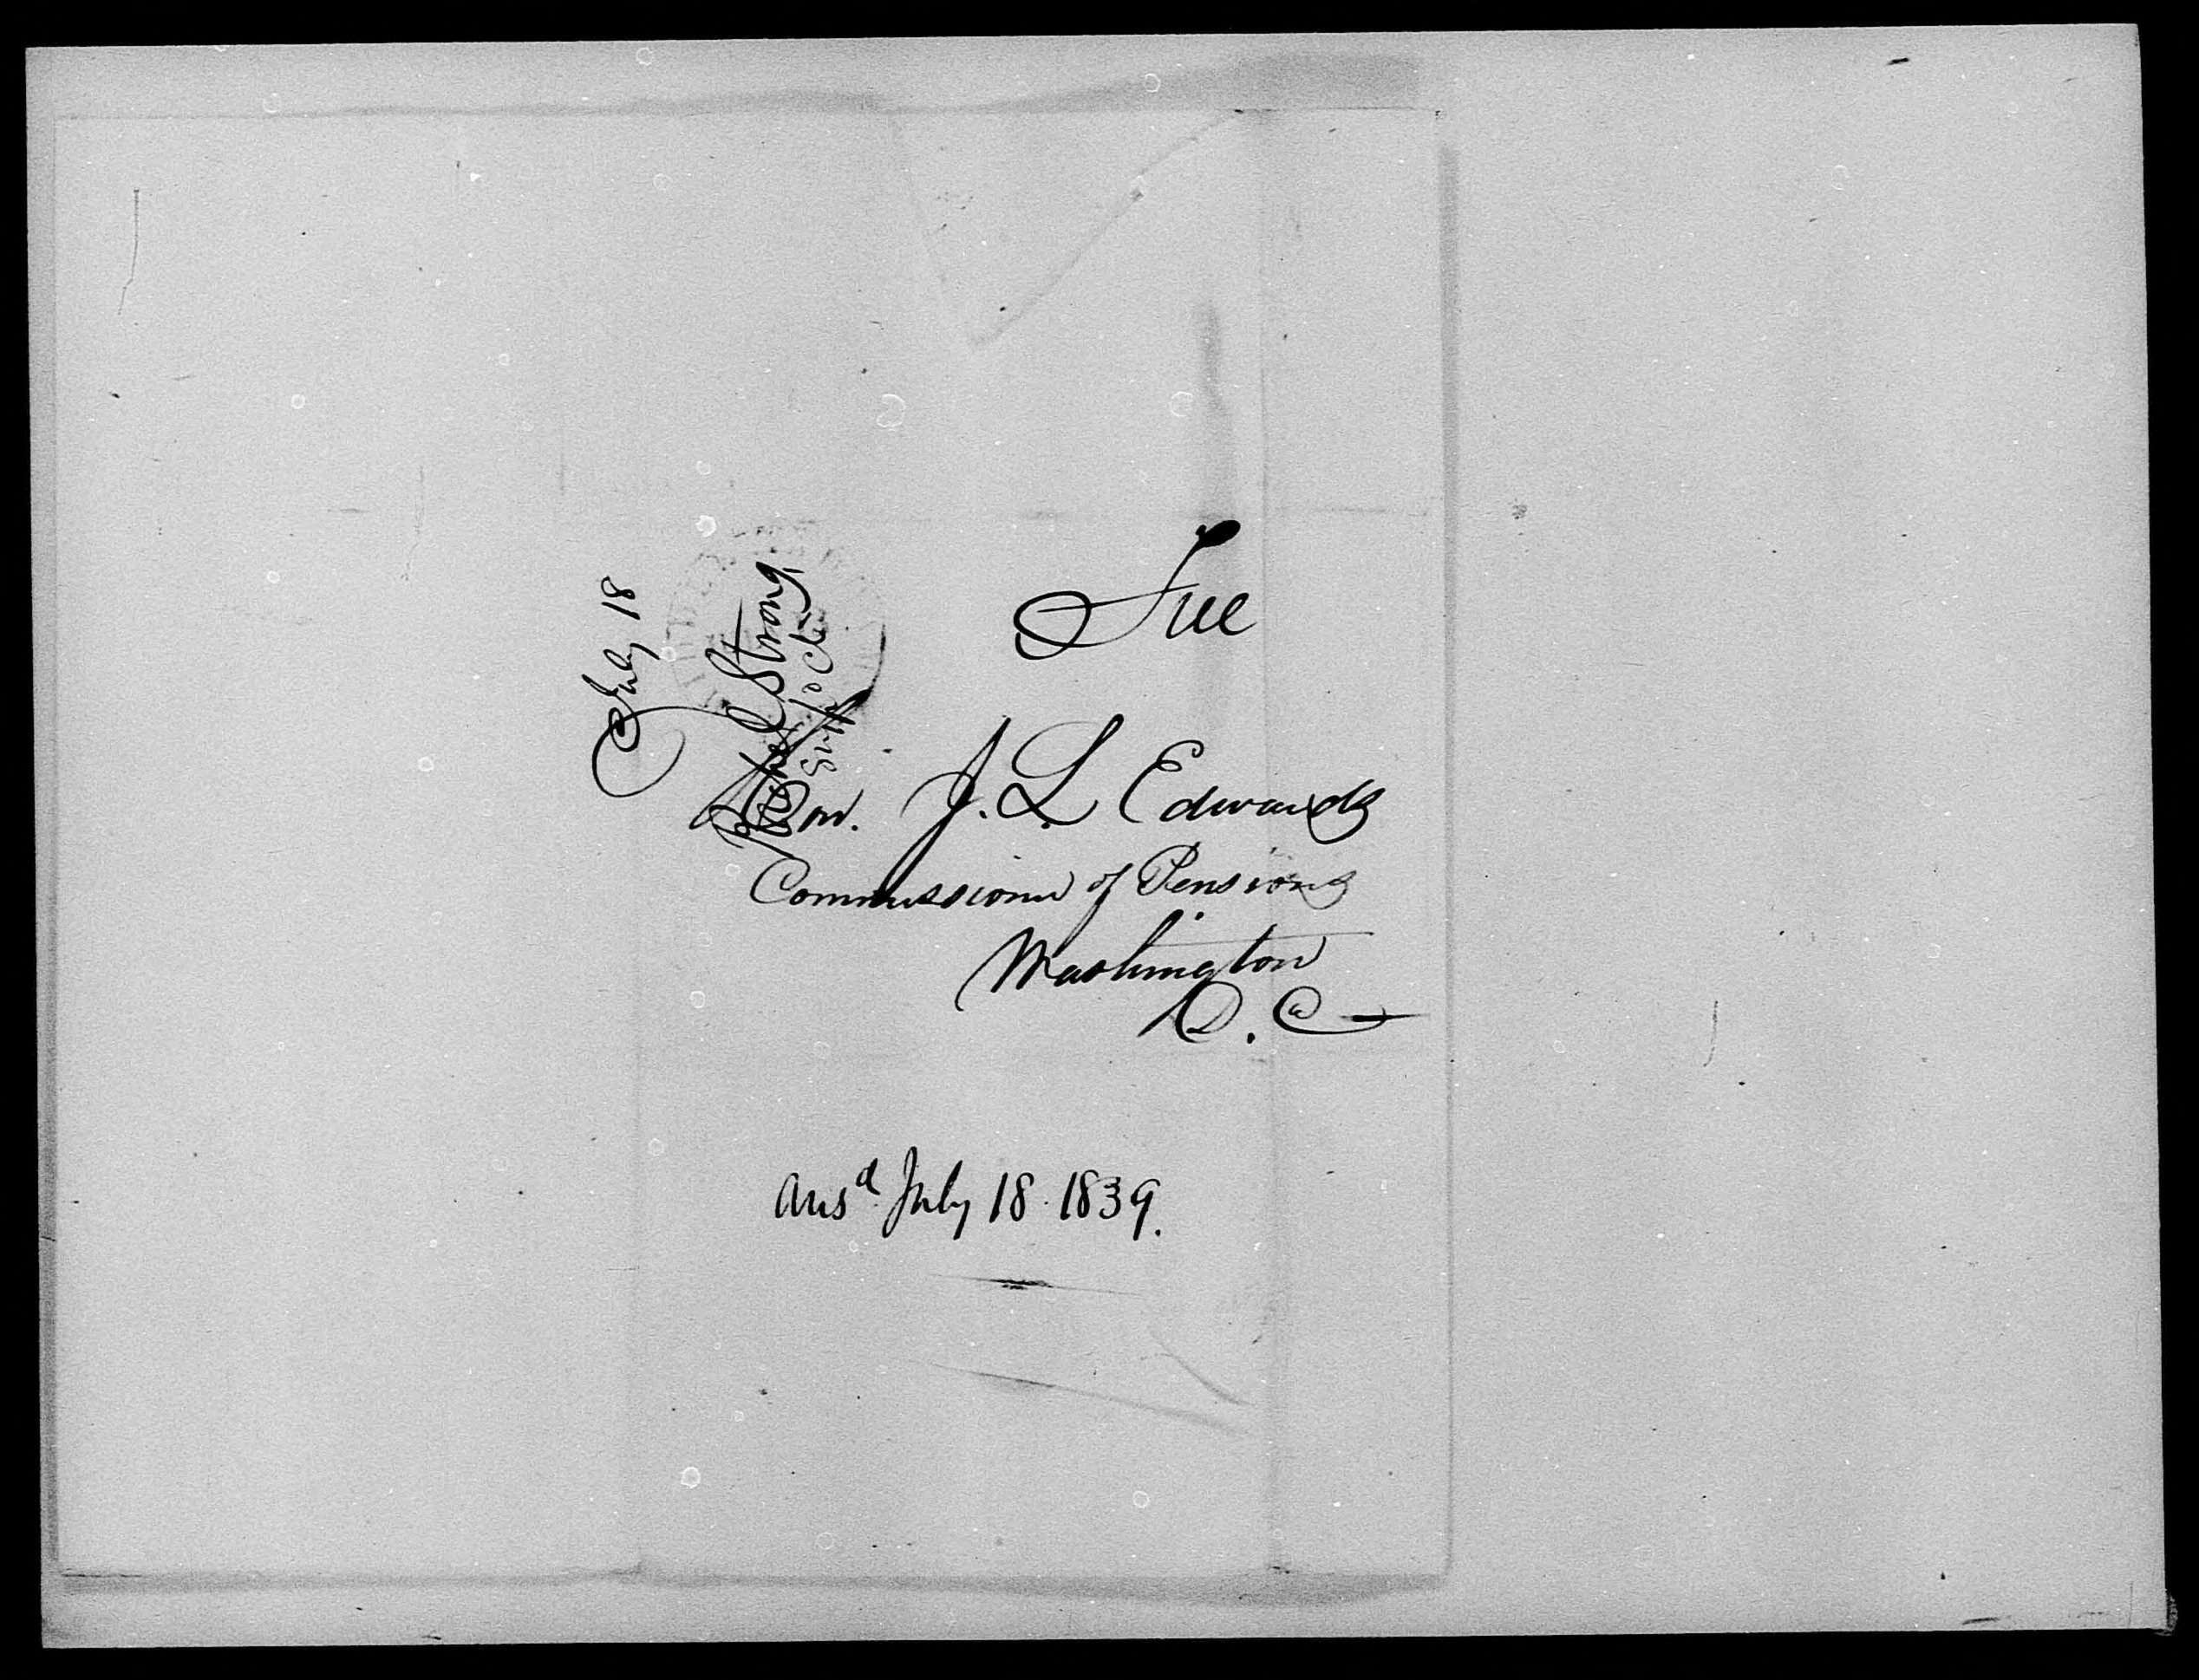[Illegible]

Hon. J. L. Edwards
Commissioner of Pensions
Washington
D.C.

Ansd July 18 1839.

July 18
Rachel Strong
shipd [Illegible]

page: 29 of 47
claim: widow's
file: W. 17879, for Seth Strong, Connecticut